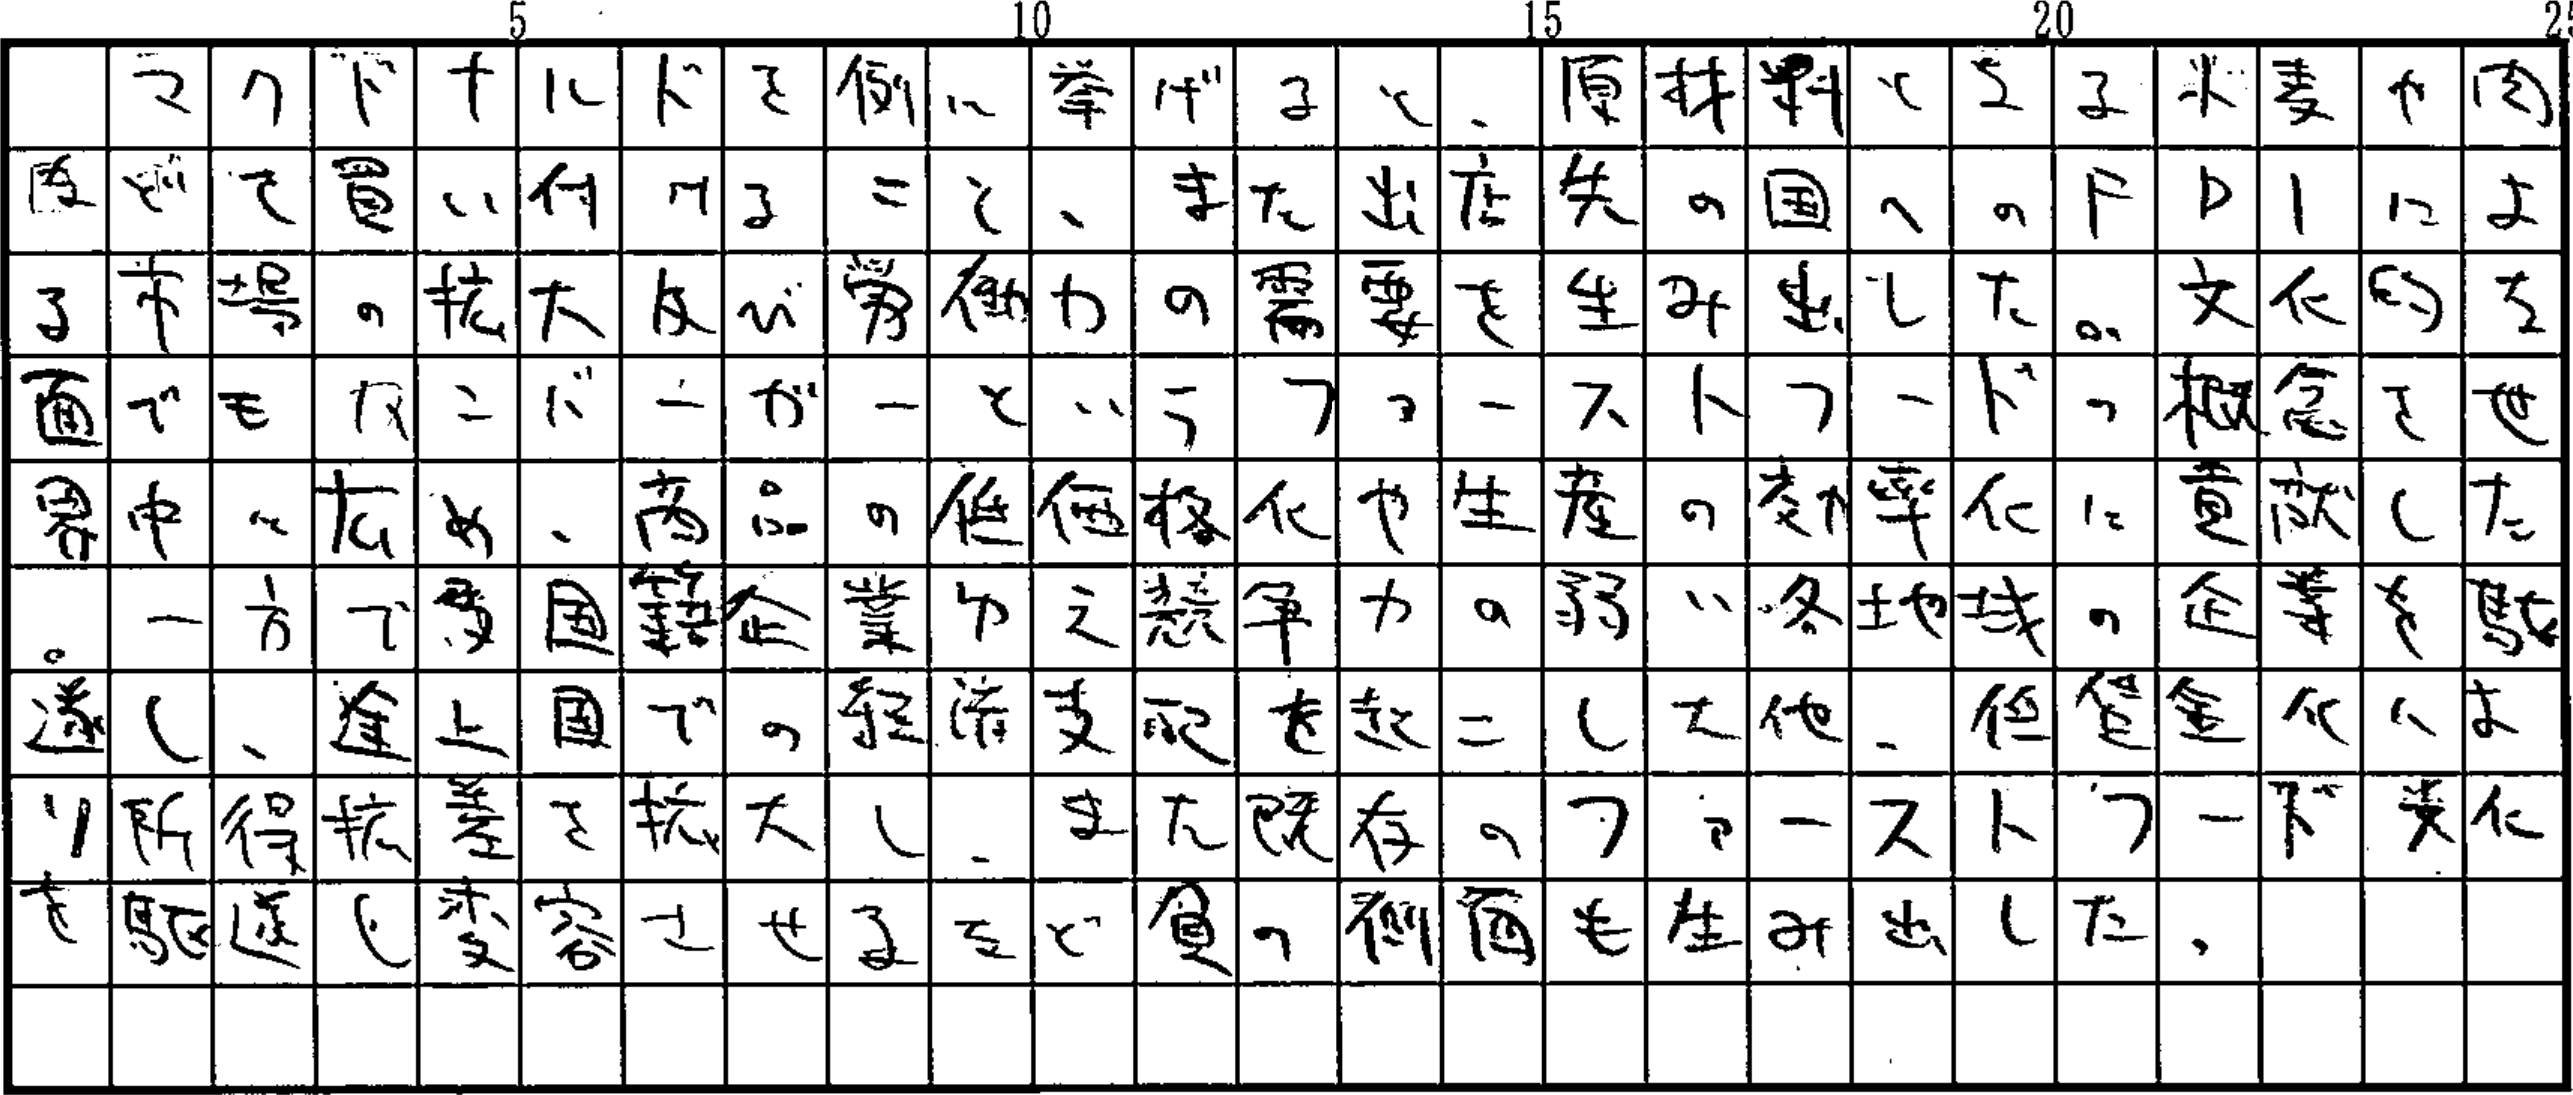　マクドナルドを例に挙げると、原材料となる小麦や肉などを買い付けること、また出店先の国へのＦDＩによる市場の拡大及び労働力の需要を生み出した。文化的な面でもハンバーガーというファーストフードの概念を世界中に広め、商品の低価格化や生産の効率化に貢▁した。一方で多国籍企業ゆえ競争力の弱い各地域の企業を駆遂し、途上国での経済支配を起こした他、低賃金化により所得拡差を拡大し、また既存のファーストフード文化を駆遂し変容させるなど負の側面も生み出した。
